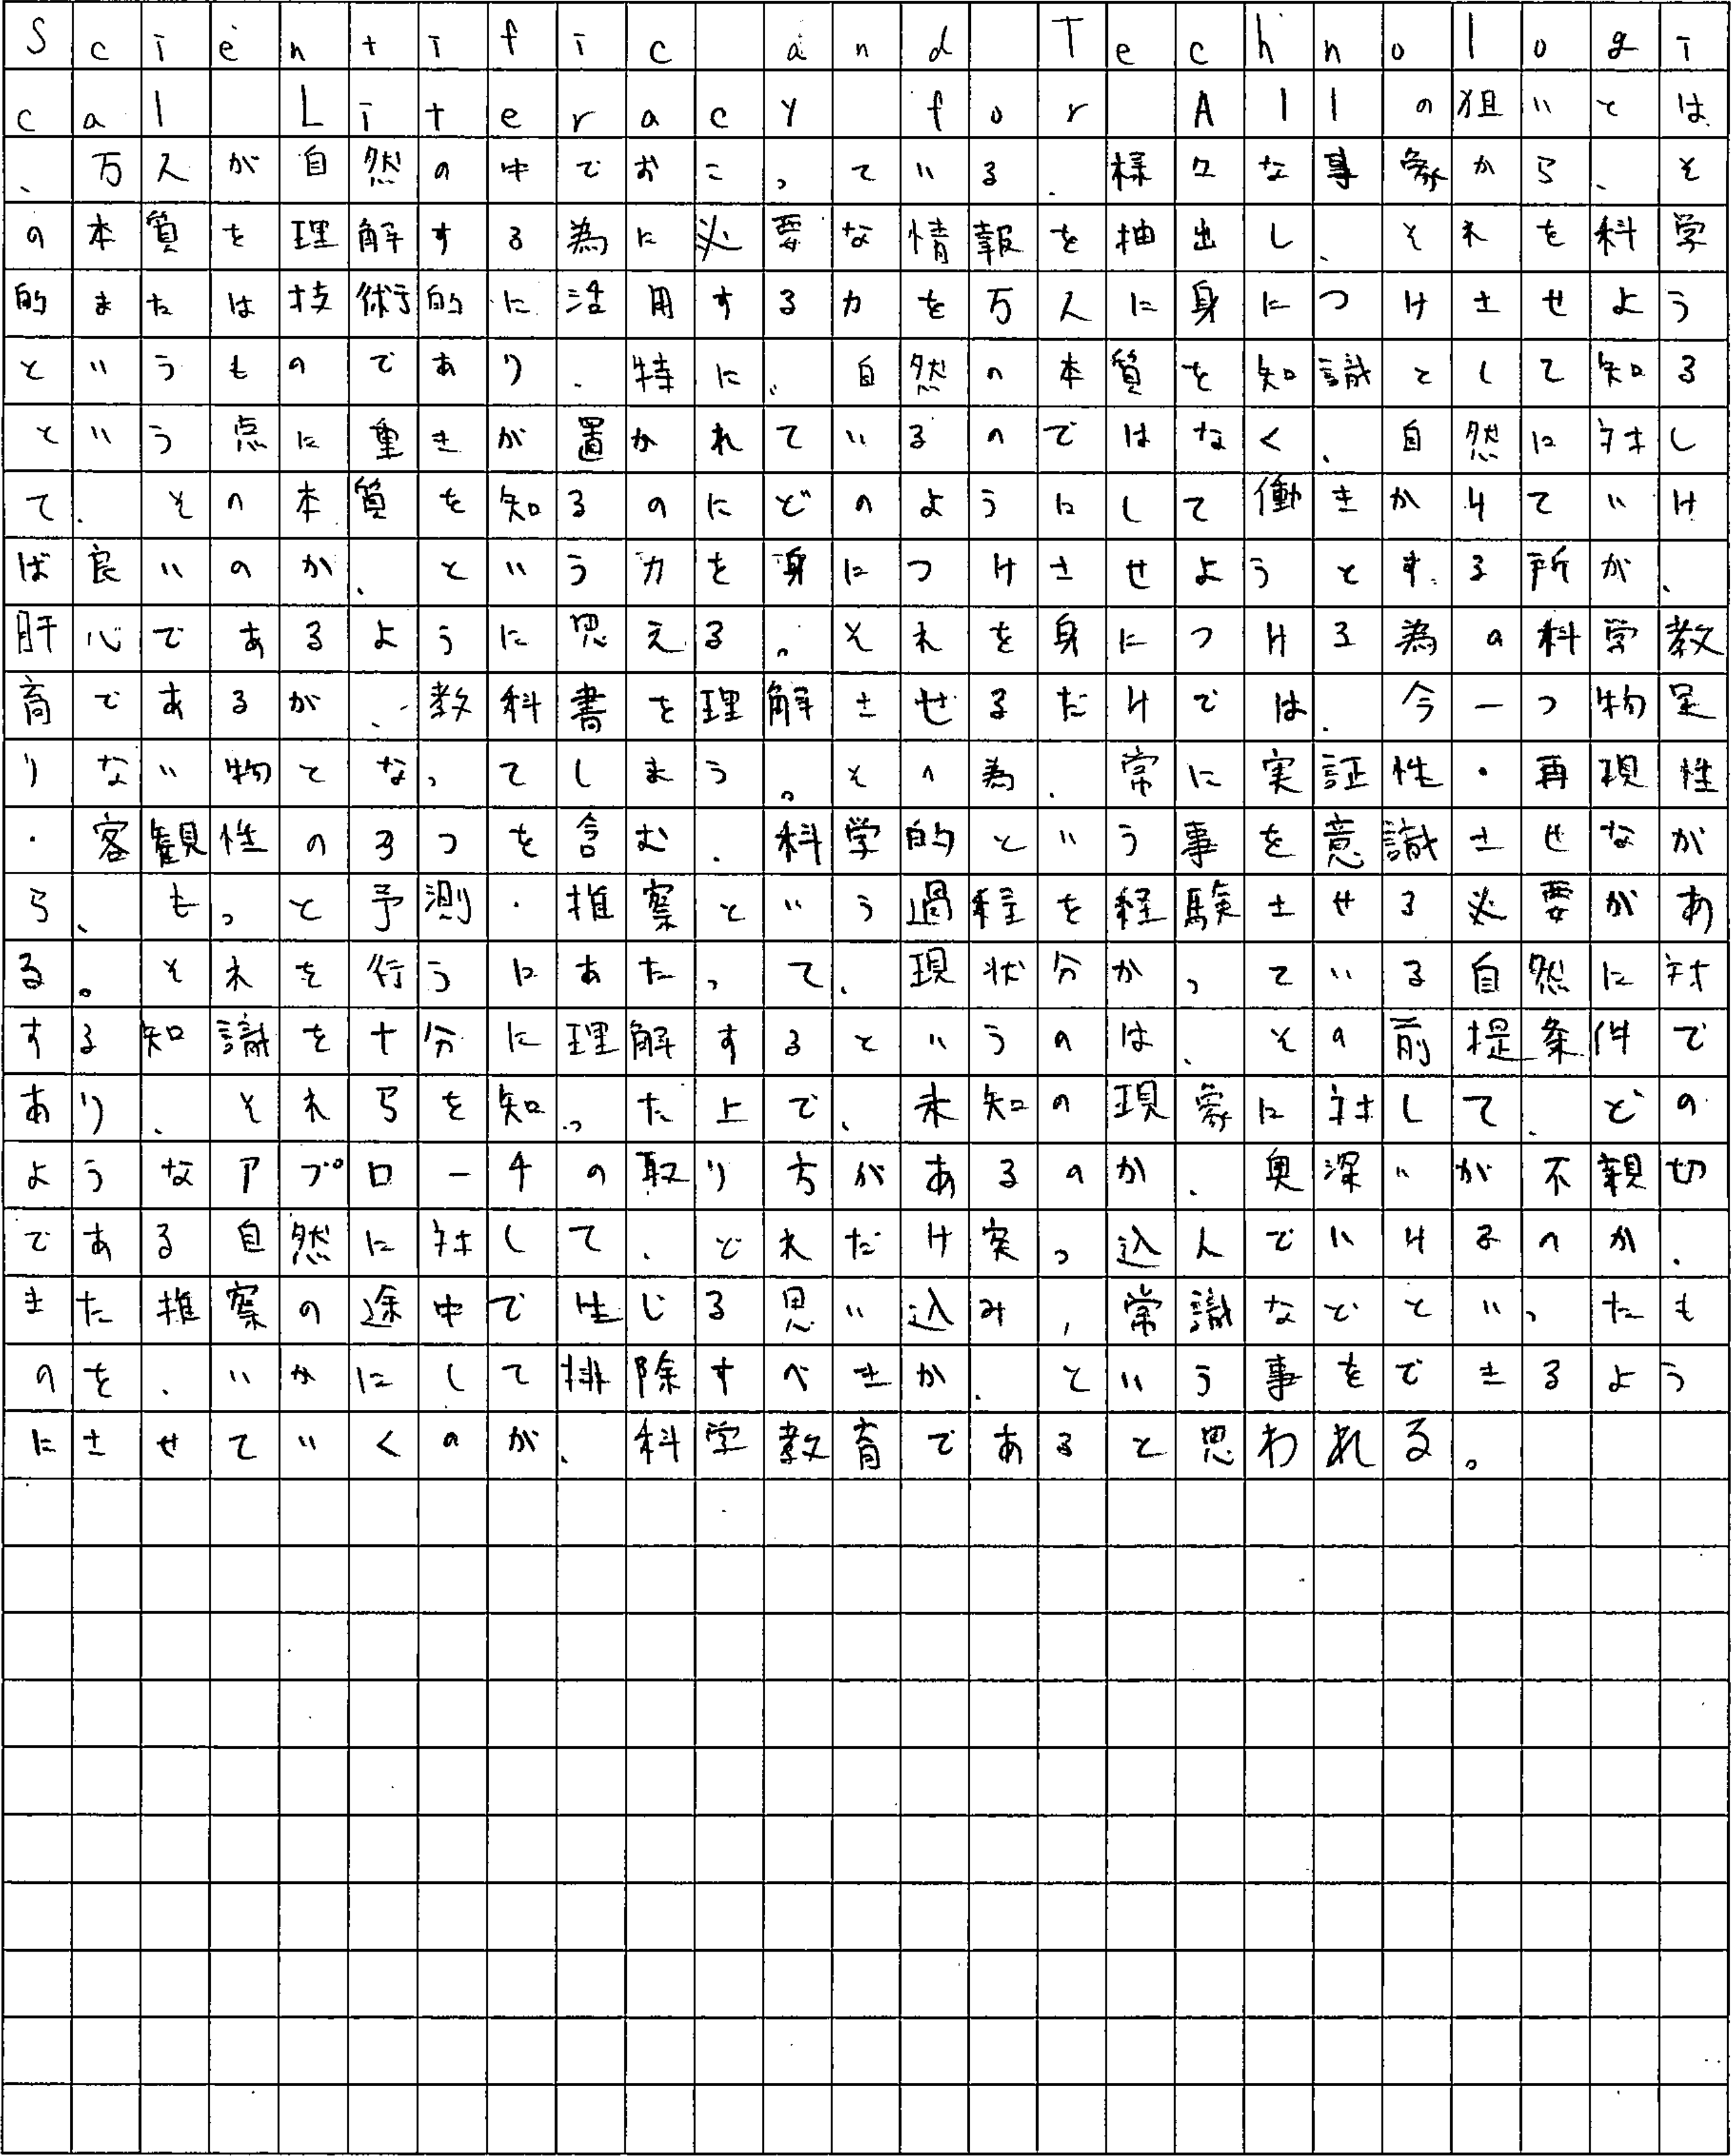Ｓｃｉｅｎｔｉｆｉｃ　ａｎｄ　Ｔｅｃｈｎｏｌｏｇｉｃａｌ　Ｌｉｔｅｒａｃｙ　ｆｏｒ　Ａｌｌの狙いとは、万人が自然の中でおこっている、様々な事象から、その本質を理解する為に必要な情報を抽出し、それを科学的または技術的に活用する力を万人に身につけさせようというものであり、特に、自然の本質を知識として知るという点に重きが置かれているのではなく、自然に対して、その本質を知るのにどのようにして働きかけていけば良いのか、という力を身につけさせようとする所が、肝心であるように思える。それを身につける為の科学教育であるが、教科書を理解させるだけでは、今一つ物足りない物となってしまう。その為、常に実証性・再現性・客観性の３つを含む、科学的という事を意識させながら、もっと予測・推察という過程を経験させる必要がある。それを行うにあたって、現状分かっている自然に対する知識を十分に理解するというのは、その前提条件であり、それらを知った上で、未知の現象に対して、どのようなアプローチの取り方があるのか、奥深いが不親切である自然に対して、どれだけ突っ込んでいけるのか、また推察の途中で生じる思い込み、常識などといったものを、いかにして排除すべきか、という事をできるようにさせていくのが、科学教育であると思われる。
